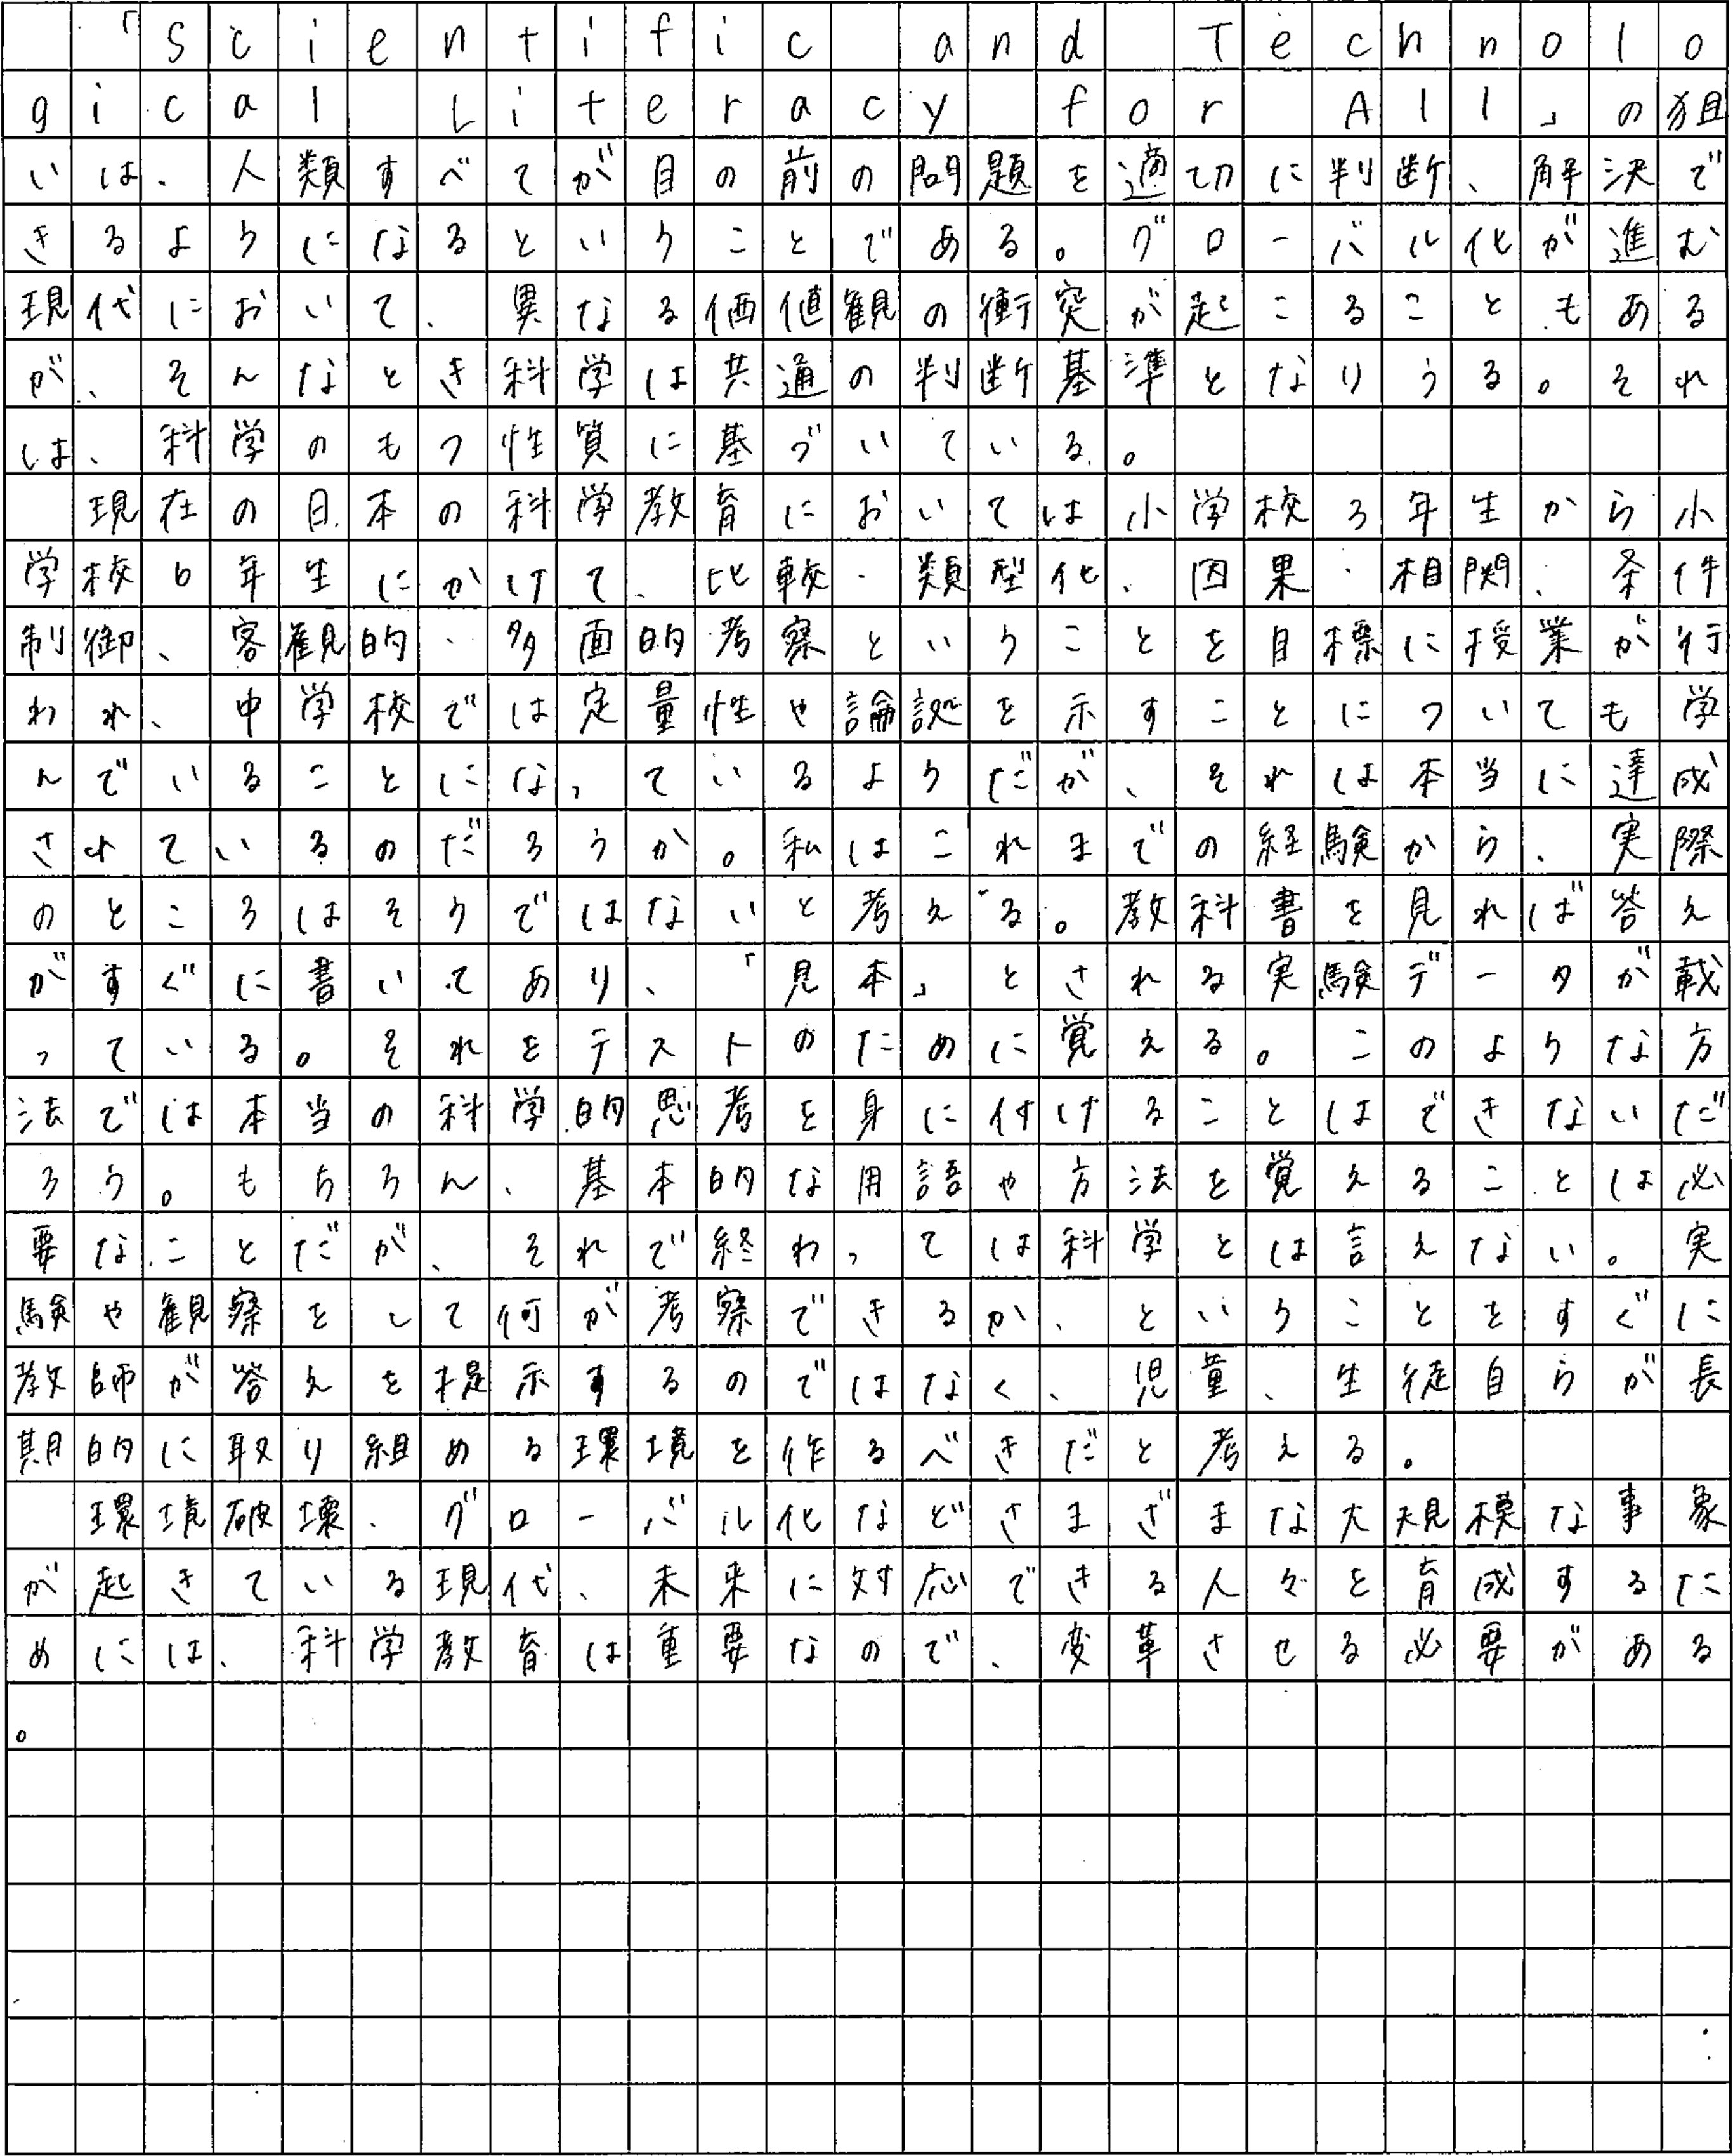　「Ｓｃｉｅｎｔｉｆｉｃ　ａｎｄ　Ｔｅｃｈｎｏｌｏｇｉｃａｌ　Ｌｉｔｅｒａｃｙ　ｆｏｒ　Ａｌｌ」の狙いは、人類すべてが目の前の問題を適切に判断、解決できるようになるということである。グローバル化が進む現代において、異なる価値観の衝突が起こることもあるが、そんなとき科学は共通の判断基準となりうる。それは、科学のもつ性質に基づいている。
　現在の日本の科学教育においては小学校３年生から小学校６年生にかけて、比較・類型化、因果・相関、条件制御、客観的・多面的考察ということを目標に授業が行われ、中学校では定量性や論拠を示すことについても学んでいることになっているようだが、それは本当に達成されているのだろうか。私はこれまでの経験から、実際のところはそうではないと考える。教科書を見れば答えがすぐに書いてあり、「見本」とされる実験データが載っている。それをテストのために覚える。このような方法では本当の科学的思考を身に付けることはできないだろう。もちろん、基本的な用語や方法を覚えることは必要なことだが、それで終わっては科学とは言えない。実験や観察をして何が考察できるか、ということをすぐに教師が答えを提示するのではなく、児童、生徒自らが長期的に取り組める環境を作るべきだと考える。
　環境破壊、グローバル化などさまざまな大規模な事象が起きている現代、未来に対応できる人々を育成するためには、科学教育は重要なので、変革させる必要がある。
